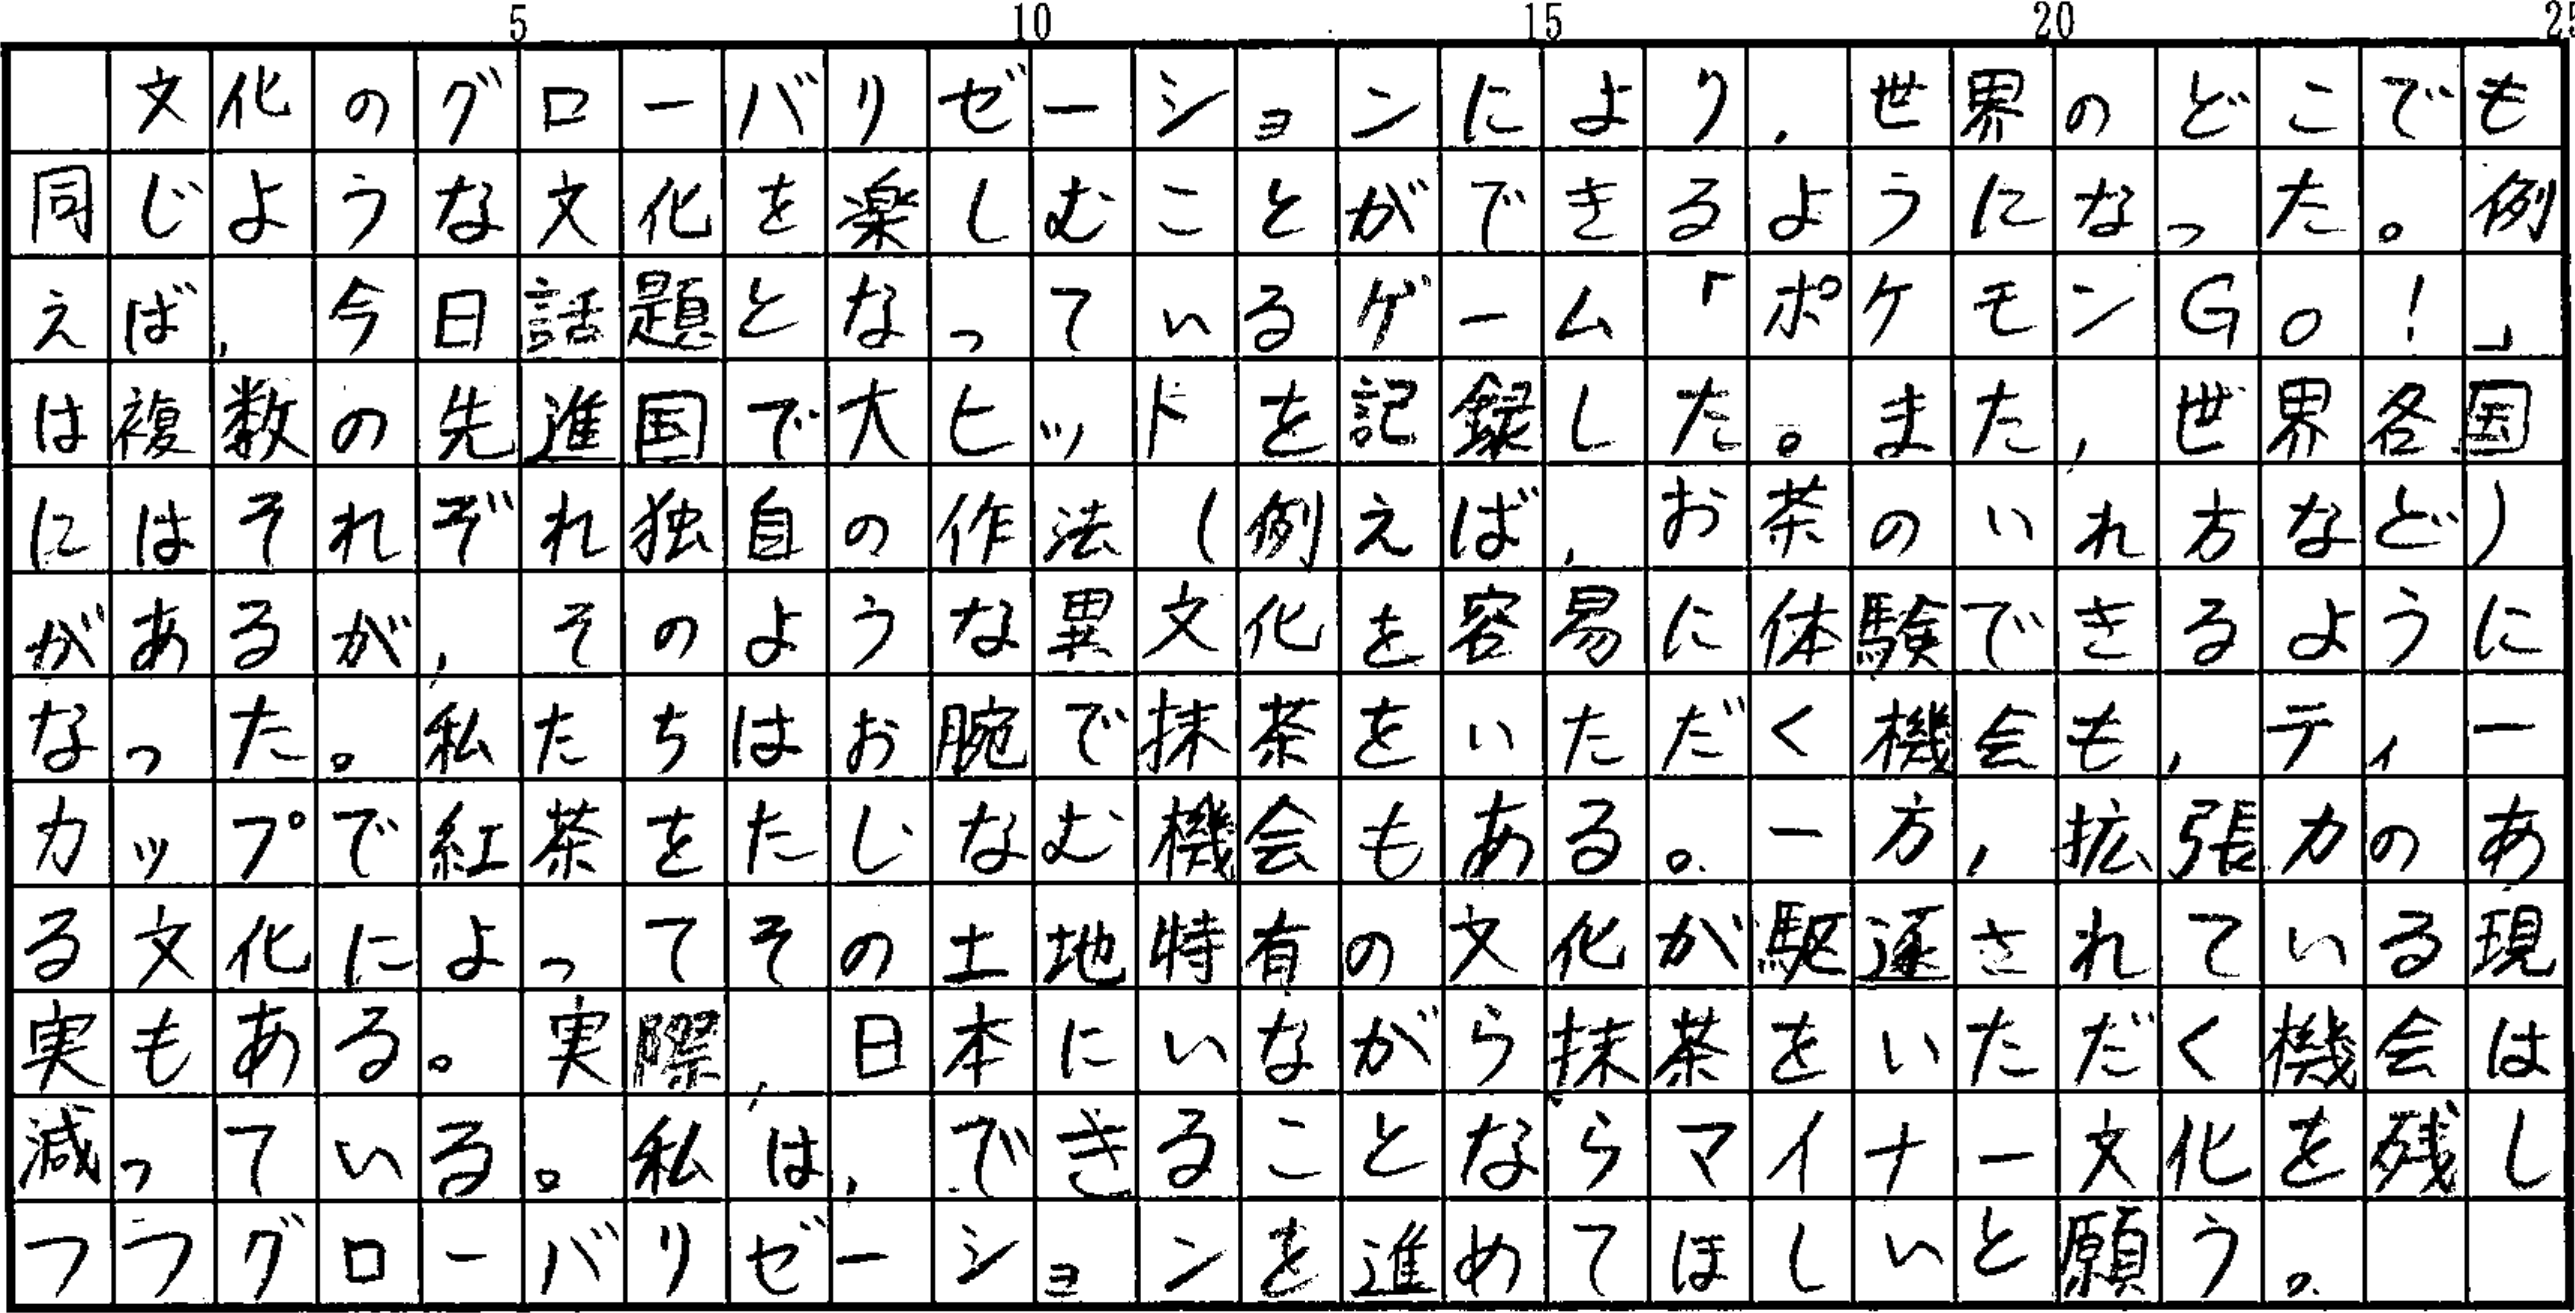　文化のグローバリゼーションにより、世界のどこでも同じような文化を楽しむことができるようになった。例えば、今日話題となっているゲーム「ポケモンＧｏ！」は複数の先進国で大ヒットを記録した。また、世界各国にはそれぞれ独自の作法（例えば、お茶のいれ方など）があるが、そのような異文化を容易に体験できるようになった。私たちはお腕で抹茶をいただく機会も、ティーカップで紅茶をたしなむ機会もある。一方、拡張力のある文化によってその土地特有の文化が駆逐されている現実もある。実際、日本にいながら抹茶をいただく機会は減っている。私は、できることならマイナー文化を残しつつグローバリゼーションを進めてほしいと願う。
